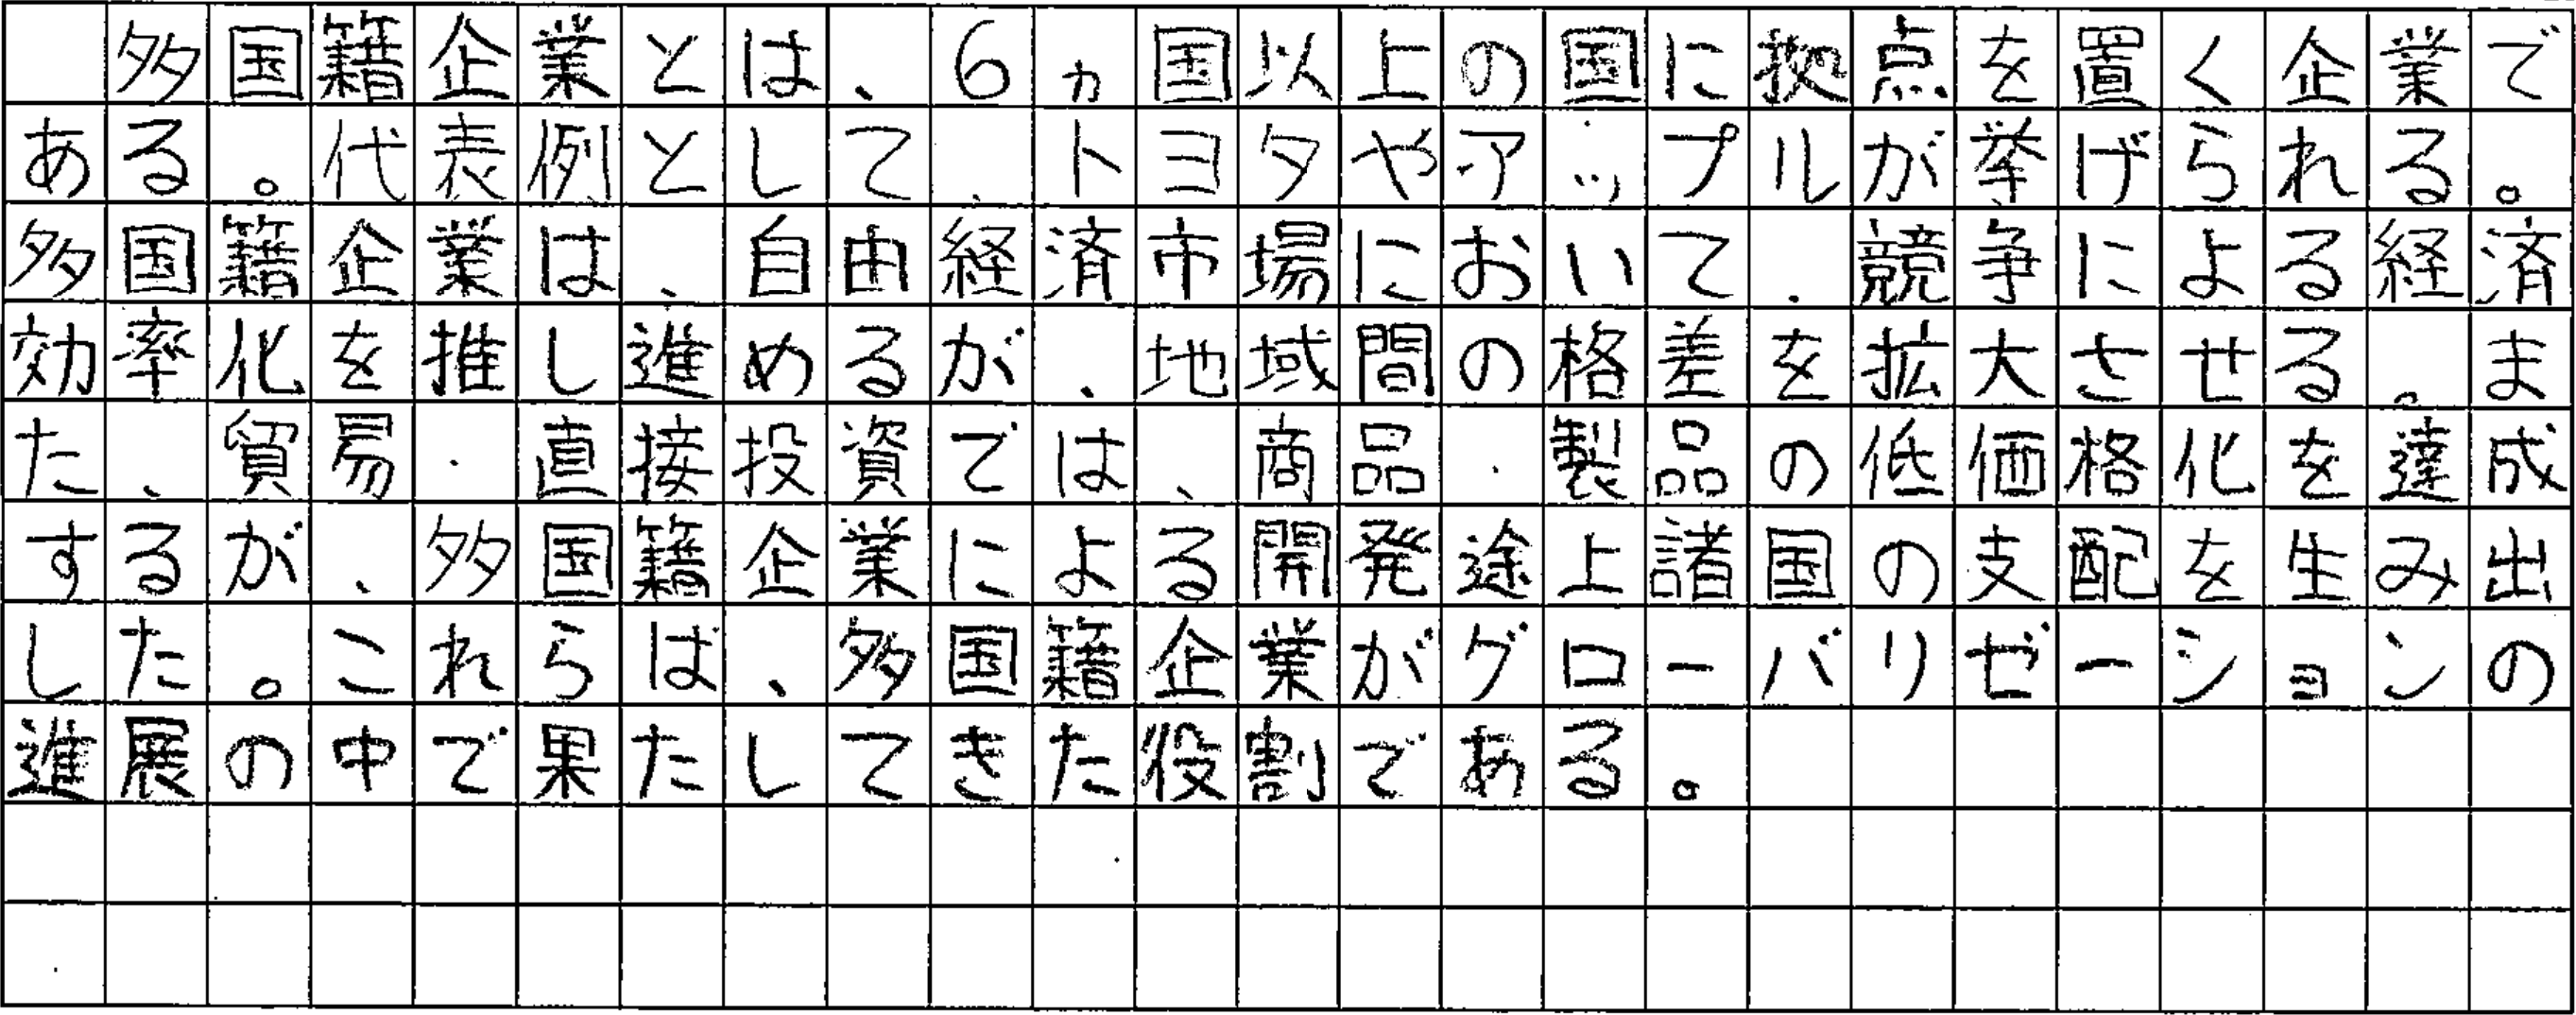　多国籍企業とは、６ヵ国以上の国に拠点を置く企業である。代表例として、トヨタやアップルが挙げられる。多国籍企業は、自由経済市場において、競争による経済効率化を推し進めるが、地域間の格差を拡大させる。また、貿易・直接投資では、商品・製品の低価格化を達成するが、多国籍企業による開発途上諸国の支配を生み出した。これらは、多国籍企業がグローバリゼーションの進展の中で果たしてきた役割である。
